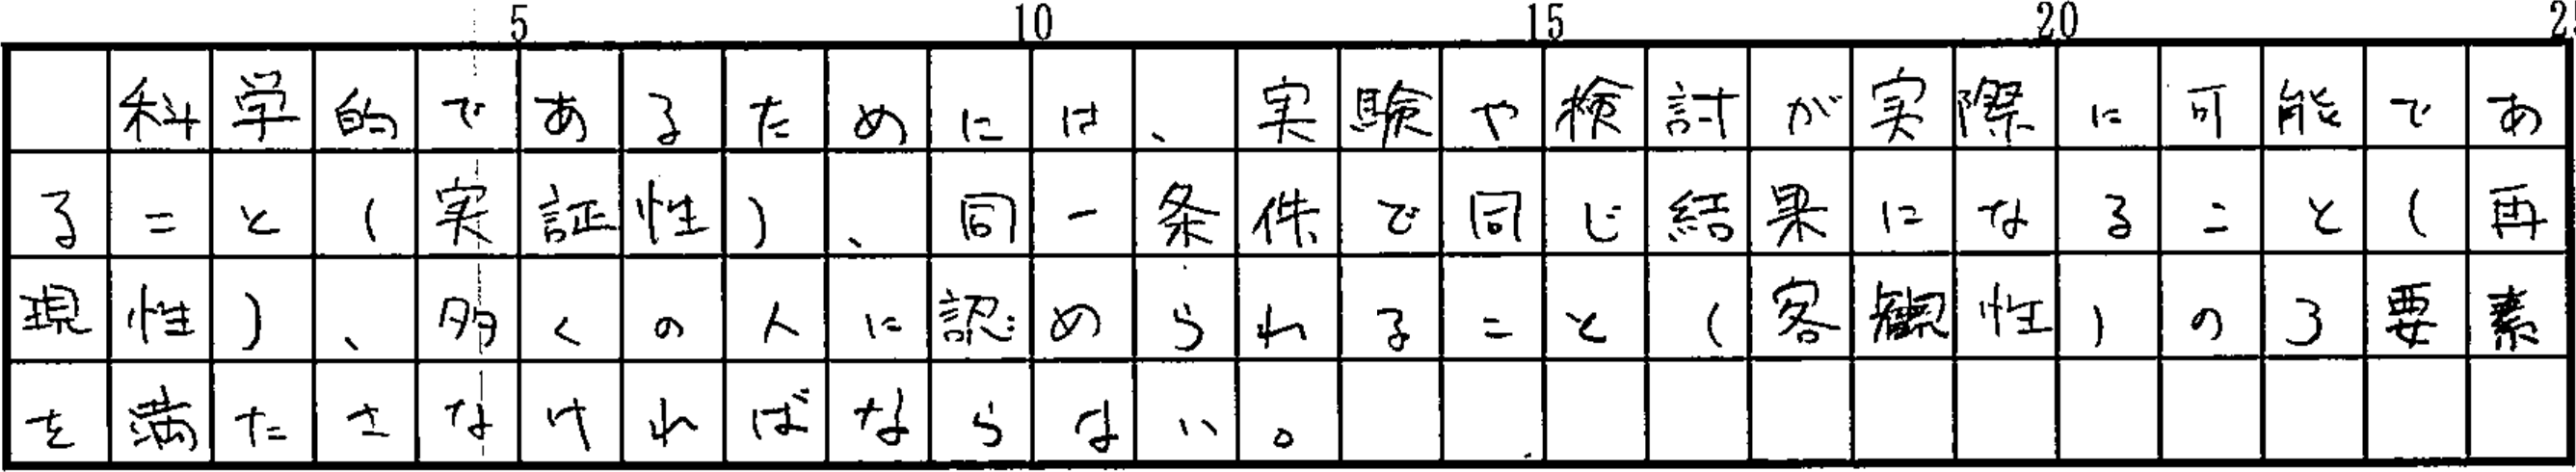　科学的であるためには、実験や検討が実際に可能であること（実証性）、同一条件で同じ結果になること（再現性）、多くの人に認められること（客観性）の３要素を満たさなければならない。
